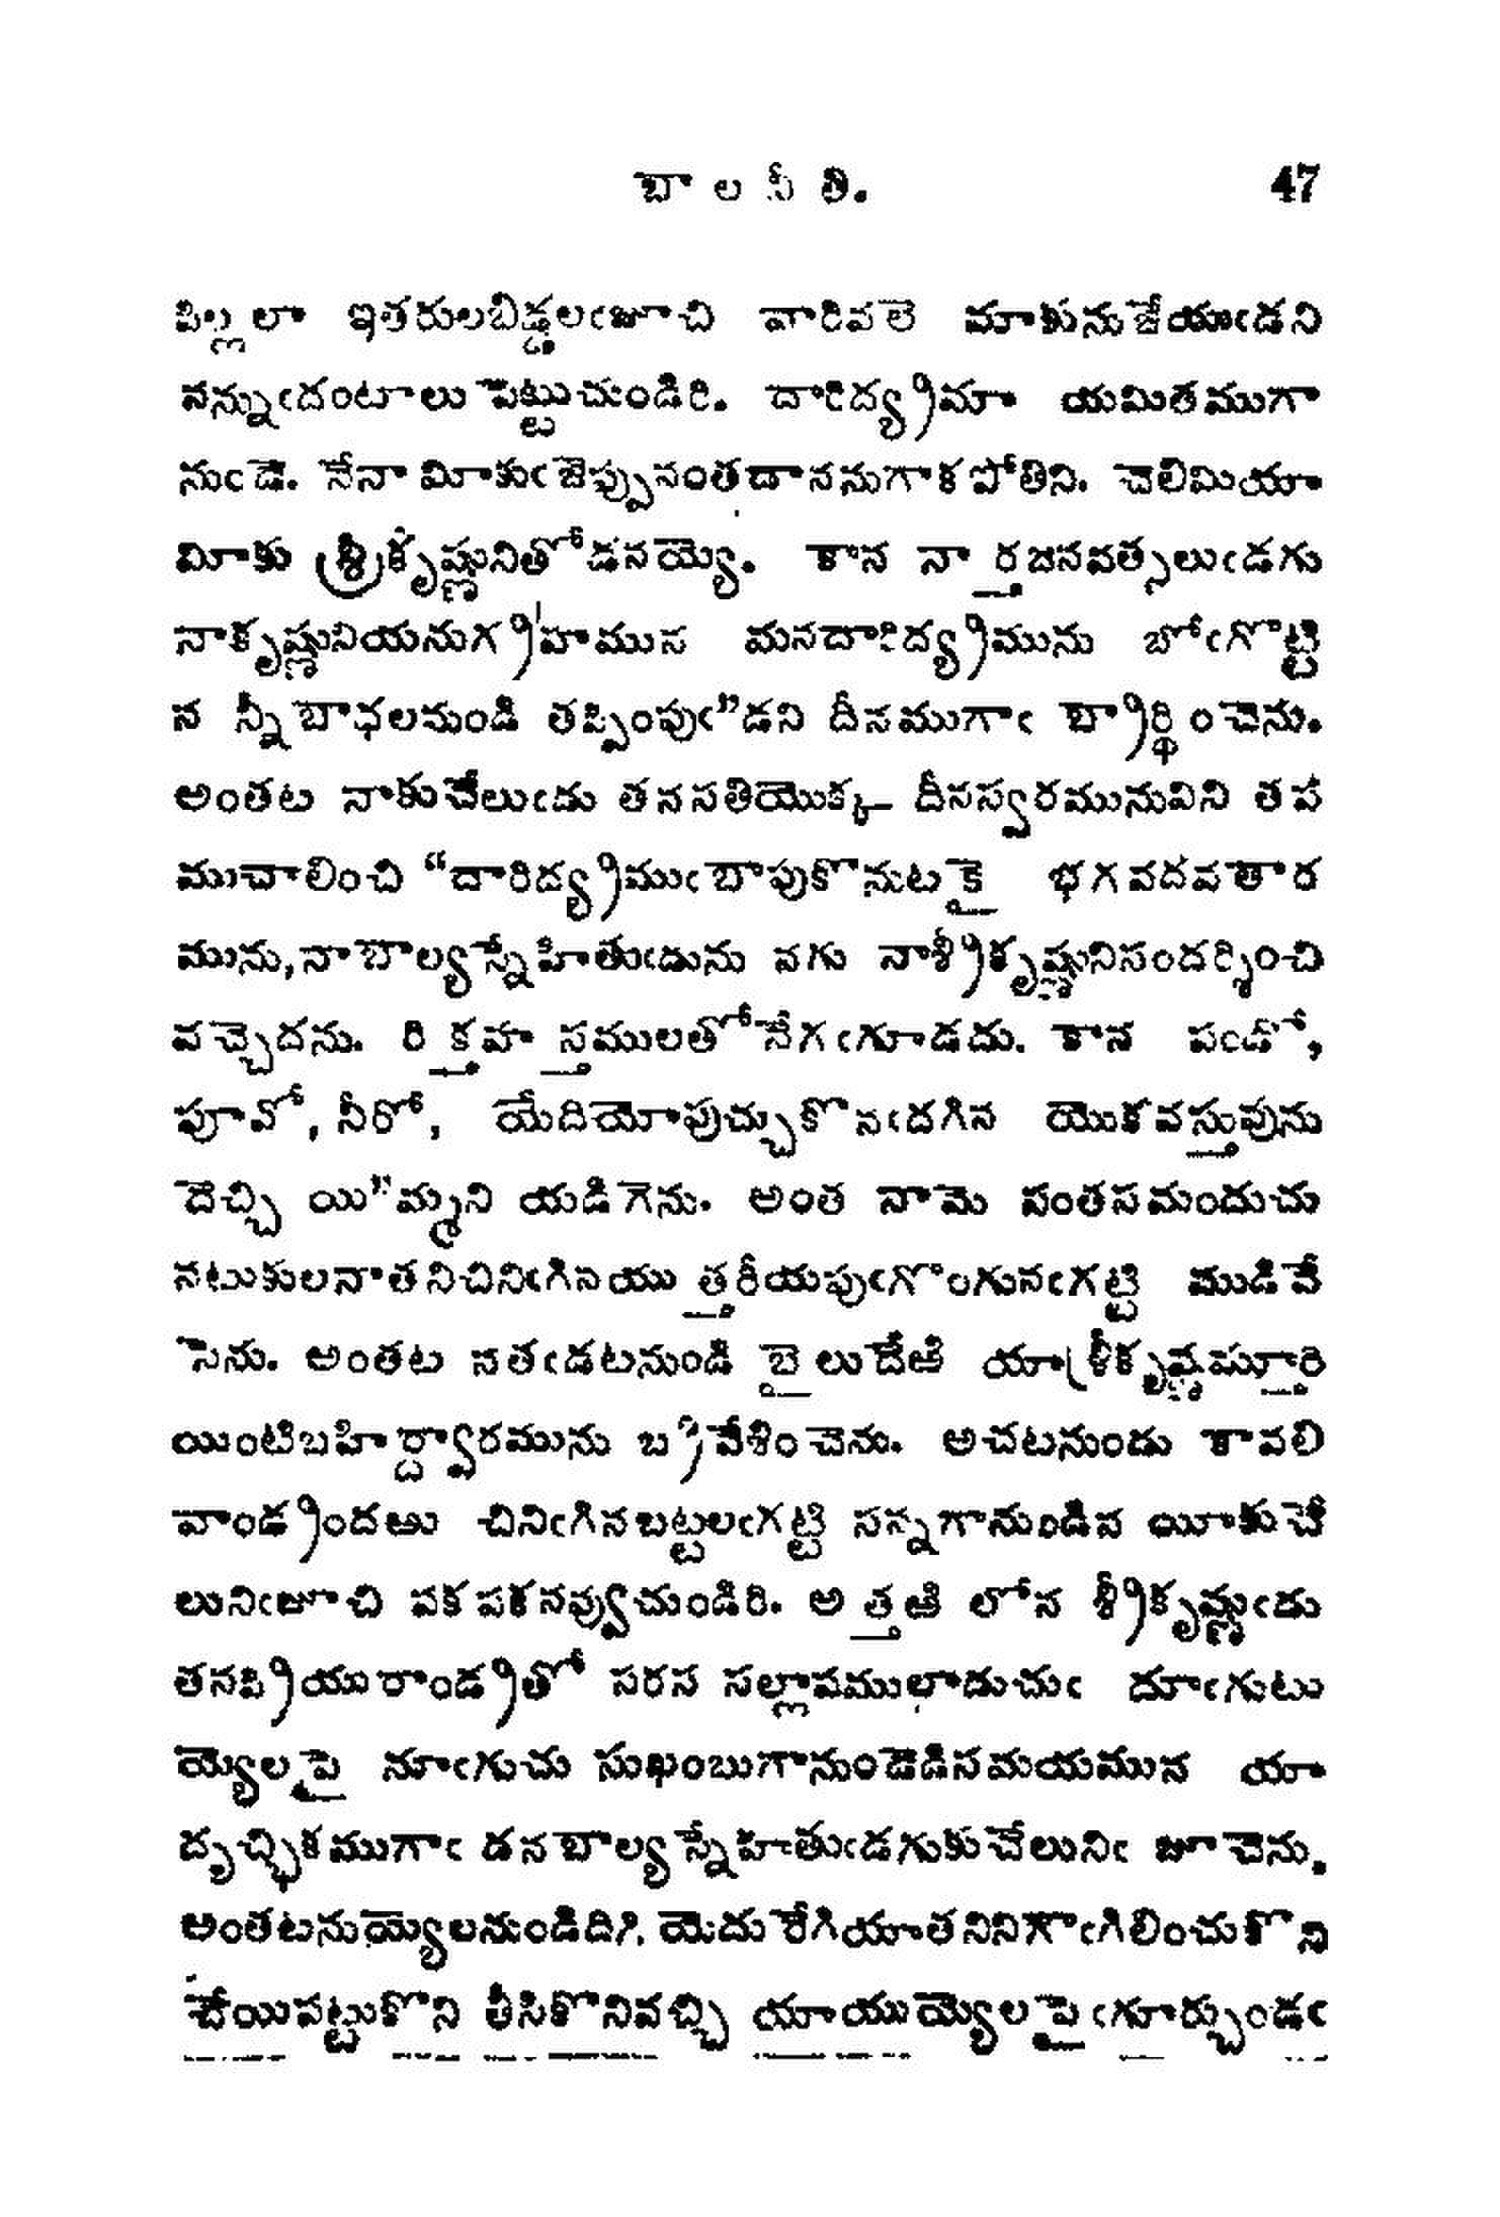పిల్ల లా ఇతరులబిడ్డలఁజూచి వారివలె మాకునుజేయుఁడని 
నన్నుఁదంటాలు పెట్టుచుండిరి. దారిద్య్రమా యమితముగా
నుండె. నేనా మీకుఁజెప్పునంతదాననుగాకపోతిని. చెలిమియా 
మీకు శ్రీకృష్ణునితోడనయ్యె. కాన నార్తజనవత్సలుఁడగు 
నాకృష్ణునియనుగ్రహమున మనదారిద్య్రమును బోఁగొట్టి
న న్నీభాధలనుండి తప్పింపుఁ"డని దీనముగాఁ బ్రార్థించెను. 
అంతట నాకుచేలుఁడు తనసతియొక్క దీనస్వరమునువిని తప
ముచాలించి "దారిద్య్రముఁబాపుకొనుటకై భగవదవతార
మును, నాబాల్యస్నేహితుఁడును నగు నాశ్రీకృష్ణునిసందర్శించి 
వచ్చెదను. రిక్తహస్తములతోనేగఁగూడదు. కాన పండో, 
పూవో, నీరో, యేదియోపుచ్చుకొనఁదగిన యొకవస్తువును 
దెచ్చి యి"మ్మని యడిగెను. అంత నామె సంతసమందుచు 
నటుకులనాతనిచినిఁగినయుత్తరీయపుఁగొంగునఁగట్టి ముడివే
సెను. అంతట నతఁడటనుండి బైలుదేఱి యాశ్రీకృష్ణమూర్తి 
యింటిబహిర్ద్వారమును బ్రవేశించెను. అచటనుండి కావలి
వాండ్రందఱు చినిఁగినబట్టలఁగట్టి సన్నగానుండిన యీకుచే
లునిఁజూచి పకపకనవ్వుచుండిరి. అత్తఱి లోన శ్రీకృష్ణుఁడు 
తనప్రియురాండ్రతో సరస సల్లాపములాడుచుఁ దూఁగుటు
య్యెలపై నూఁగుచు సుఖంబుగానుండెడిసమయమున యా
దృచ్ఛికముగాఁ దనబాల్యస్నేహితుఁడగుకుచేలునిఁ జూచెను.
అంతటనుయ్యెలనుండిదిగి యెదురేగియాతనిని గౌగిలించుకొని 
చేయిపట్టుకొని తీసికొనివచ్చి యాయుయ్యెలపైఁగూర్చుండఁ